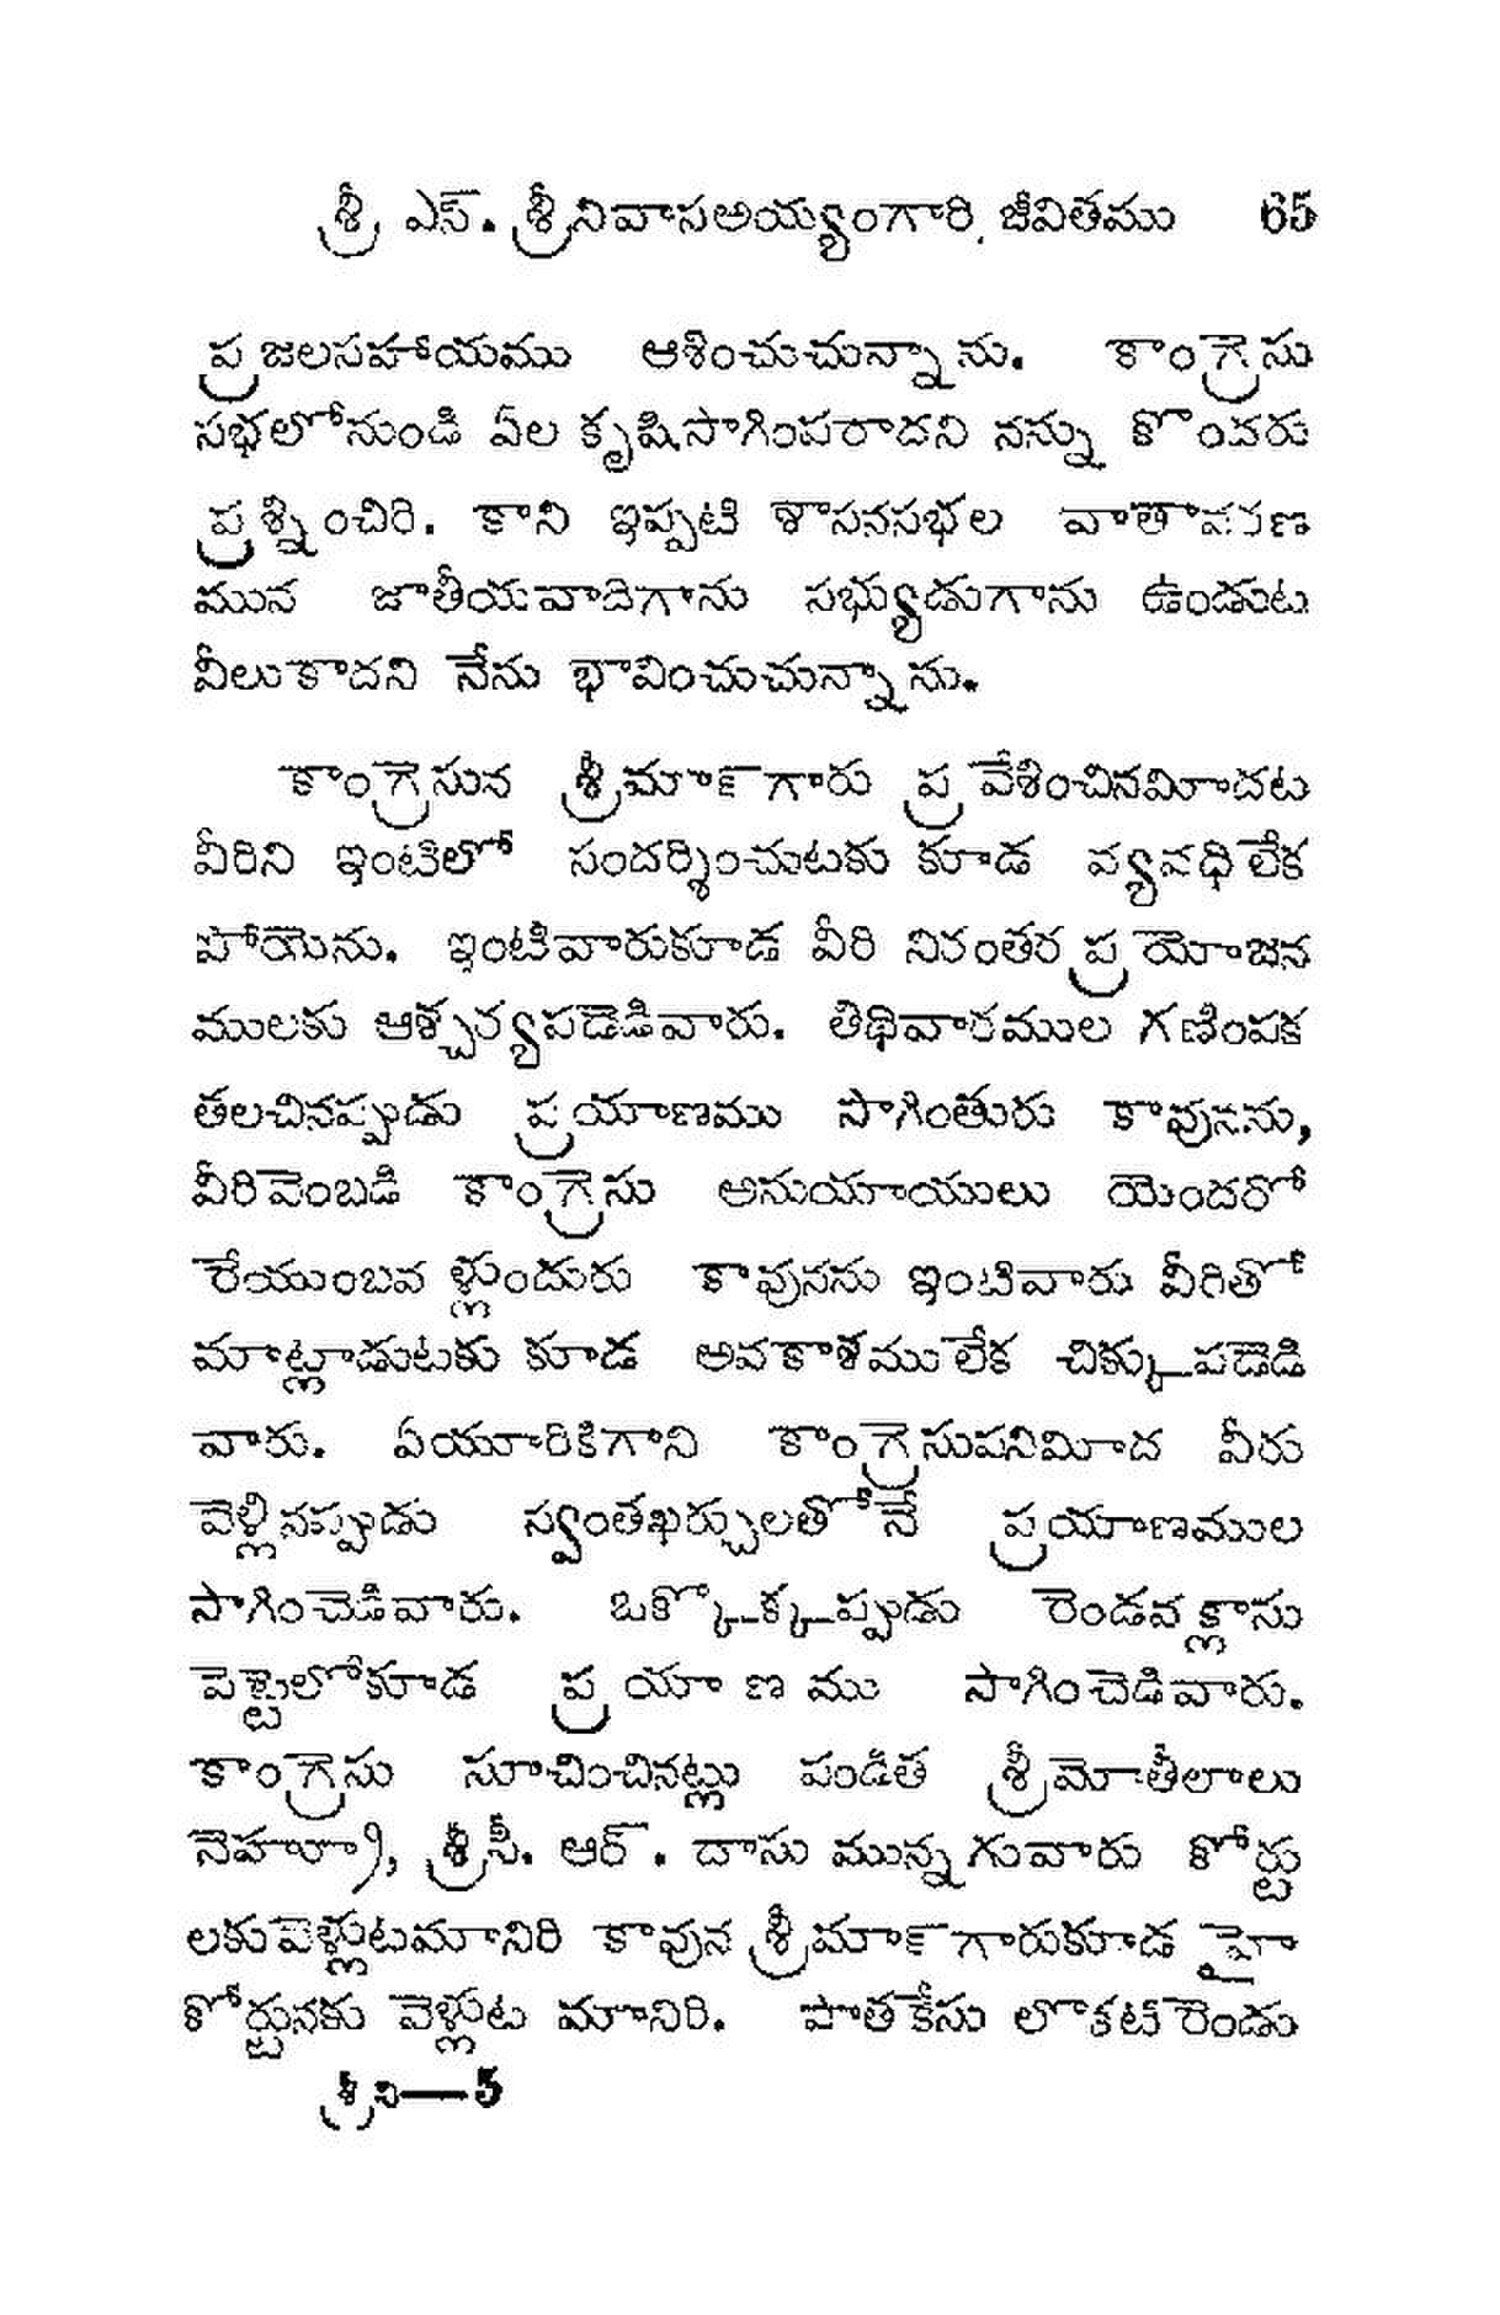ప్రజలసహాయము ఆశించుచున్నాను. కాంగ్రెసు సభలోనుండి ఏల కృషిసాగింపరాదని నన్ను కొందరు ప్రశ్నించిరి. కాని ఇప్పటి శాసనసభల వాతావరణమున జాతీయవాదిగాను సభ్యుడుగాను ఉండుట వీలుకాదని నేను భావించుచున్నాను.

కాంగ్రెసున శ్రీమా౯గారు ప్రవేశించినమీదట వీరిని ఇంటిలో సందర్శించుటకు కూడ వ్యవధిలేకపోయెను. ఇంటివారుకూడ వీరి నిరంతరప్రయోజనములకు ఆశ్చర్యపడెడివారు. తిథివారముల గణింపక తలచినప్పుడు ప్రయాణము సాగింతురు కావునను, వీరివెంబడి కాంగ్రెసు అనుయాయులు యెందరో రేయుంబవళ్లుందురు కావునను ఇంటివారు వీరితో మాట్లాడుటకు కూడ అవకాశములేక చిక్కుపడెడివారు. ఏయూరికిగాని కాంగ్రెసుపనిమీద వీరు వెళ్లినప్పుడు స్వంతఖర్చులతోనే ప్రయాణముల సాగించెడివారు. ఒక్కొక్కప్పుడు రెండవక్లాసు పెట్టెలోకూడ ప్రయాణము సాగించెడివారు. కాంగ్రెసు సూచించినట్లు పండిత శ్రీమోతీలాలు నెహ్రూ, శ్రీ సీ. ఆర్. దాసు మున్నగువారు కోర్టులకువెళ్లుటమానిరి కావున శ్రీమా౯గారుకూడ హైకోర్టునకు వెళ్లుట మానిరి. పాతకేసు లొకటిరెండు